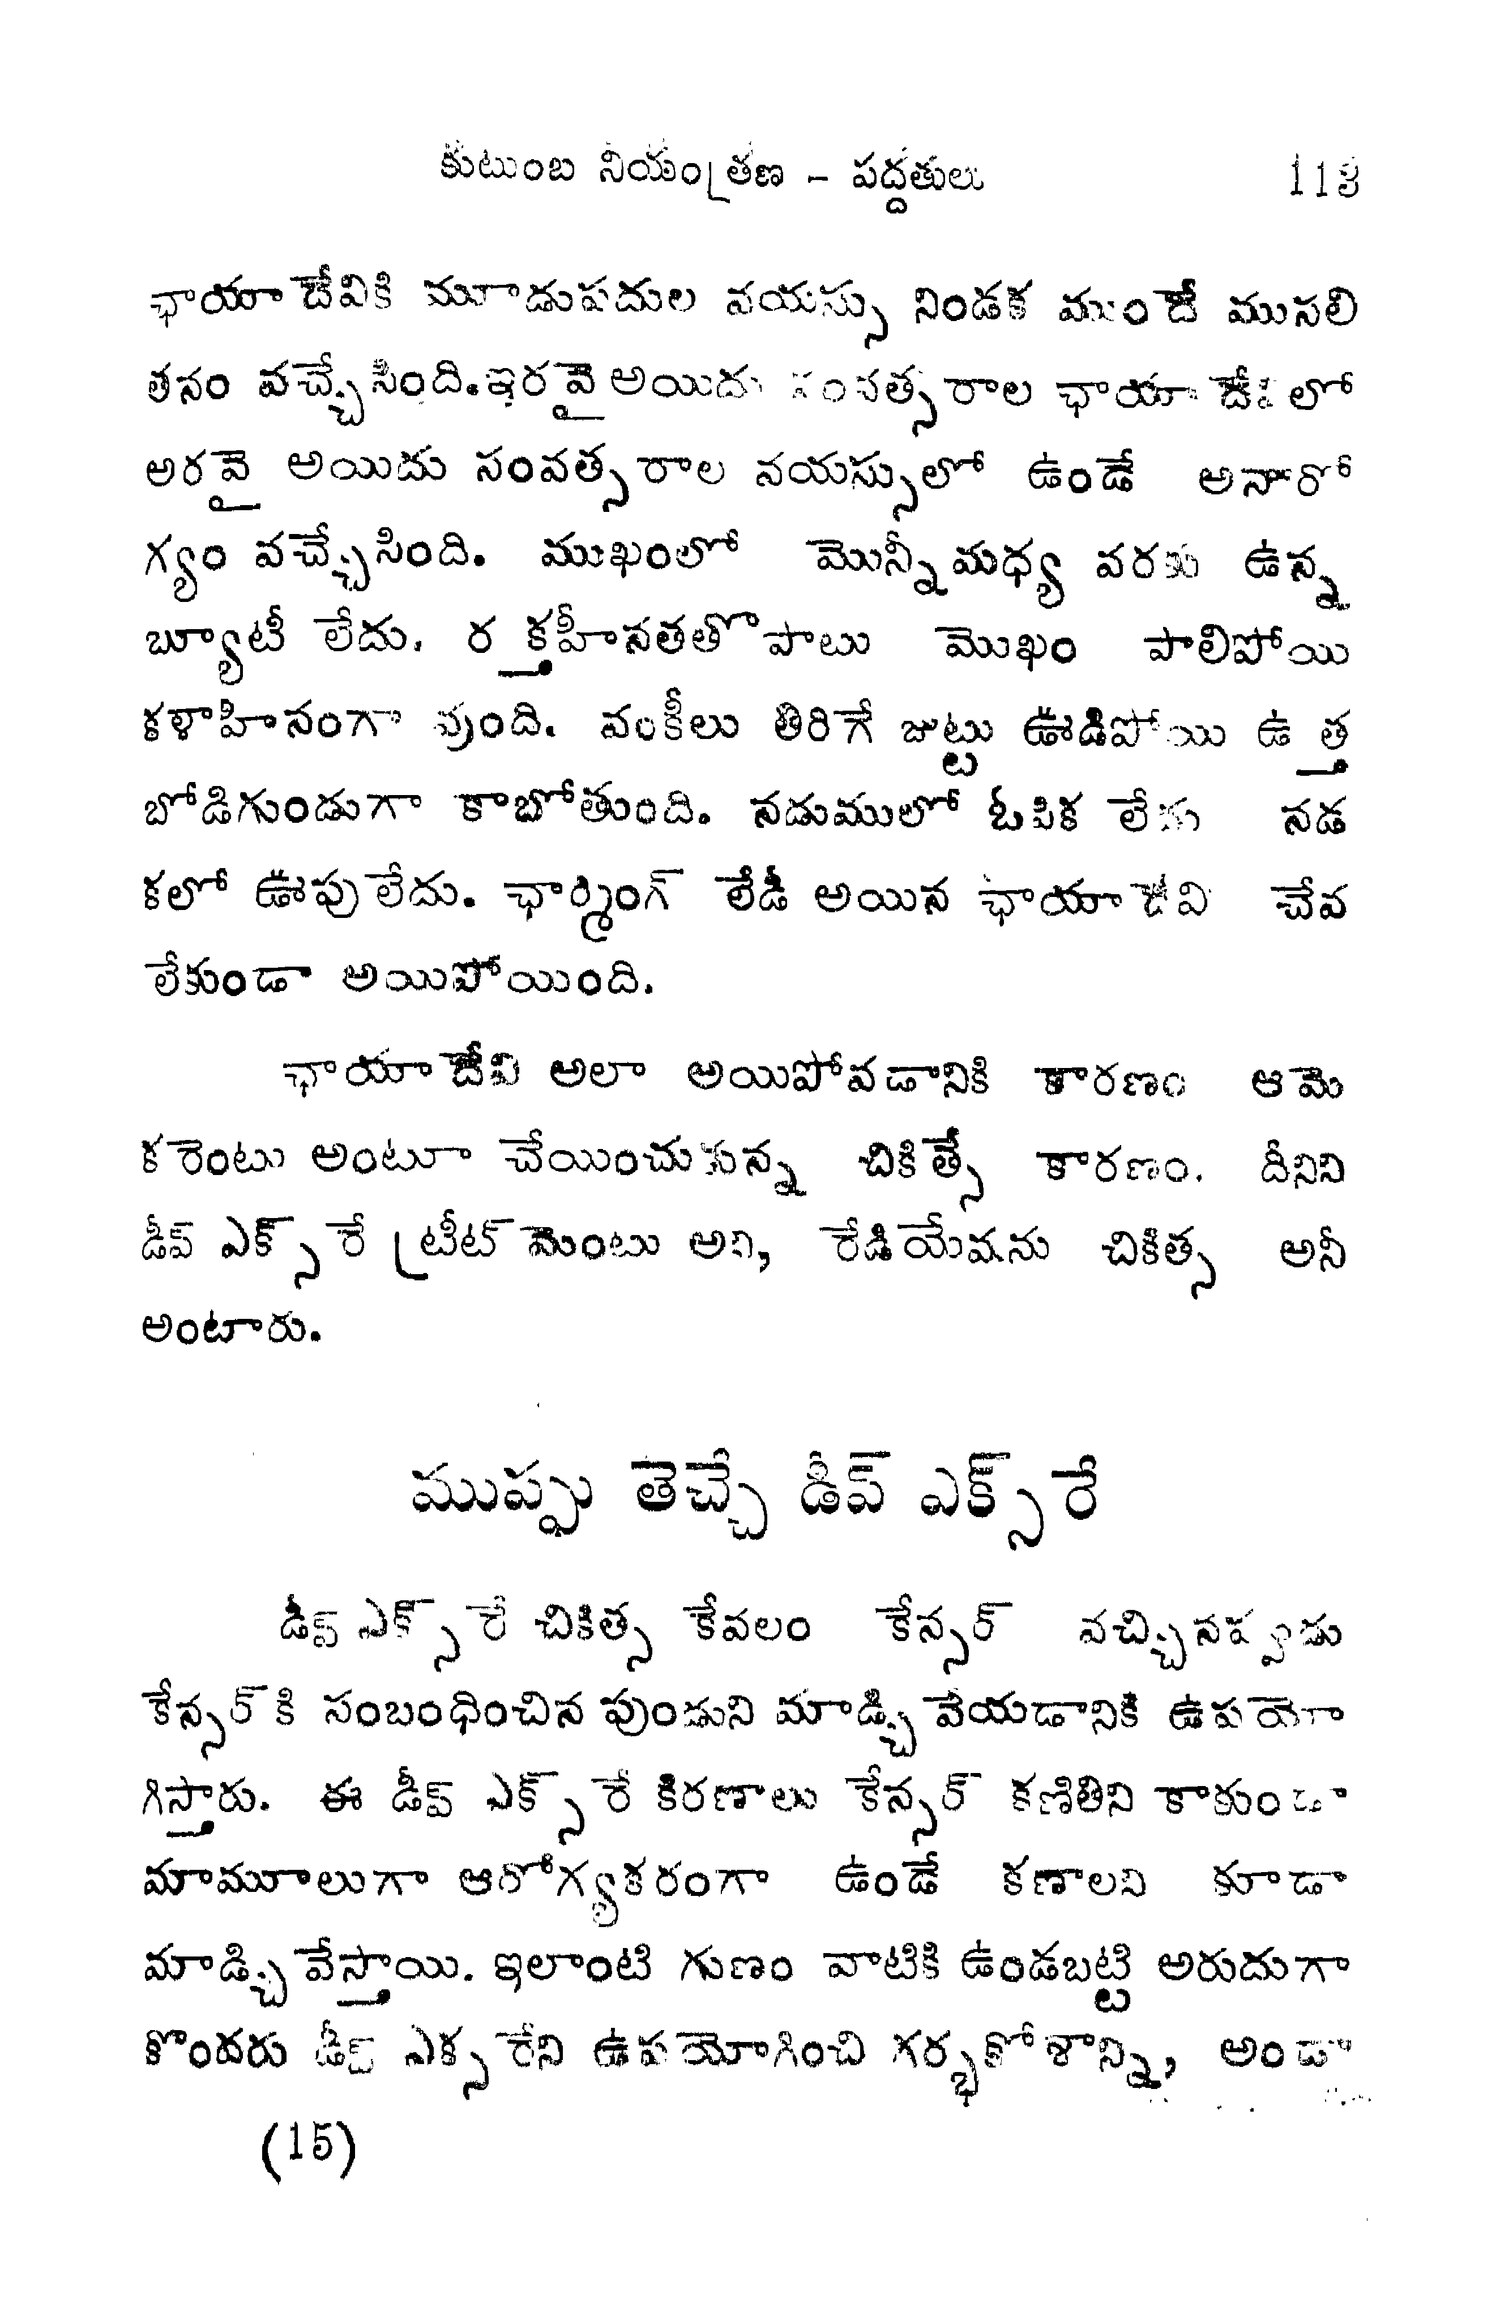ఛాయాదేవికి మూడుపదుల వయస్సు నిండకముందే ముసలితనం వచ్చేసింది. ఇరవైఅయుదు సంత్సరాల ఛాయాదేవిలో అరవై అయిదు సంవత్సరాల వయస్సులో ఉండే అనారోగ్యం వచ్చేసింది. ముఖంలో మొన్నీమధ్య వరకు ఉన్న బ్యూటీ లేదు. రక్తహీనతతోపాటు మొఖం పాలిపోయి కళావిహీనంగా వుంది. వంకీలు తిరిగేజుట్టు ఊడిపోయి ఉత్త బోడిగుండుగా కాబోతుంది. నడుములో ఓపికలేదు. నడకలో ఊపులేదు. చార్మింగ్ లేడీ అయిన ఛాయాదేవి చేవలేకుండా అయిపోయింది.

ఛాయాదేవి అలా అయిపోవడానికి కారణం ఆమె కరెంటు అంటూ చేయించుకున్న చికిత్సే కారణం. దీనిని డీప్ ఎక్సరే ట్రీట్ మెంటు అని, రేడియేషన్ చికిత్స అనీ అంటారు.

డీప్ ఎక్స్ రే చికిత్స కేవలం కేన్సర్ వచ్చినప్పుడు కేన్సర్ కి సంబంధించిన పుండుని మాడ్చివేయడానికి ఉపయోగిస్తారు. ఈ డీప్ ఎక్స్ రే కిరణాలు కేన్సర్ కణితిని కాకుండా మామూలుగా ఆరోగ్యకరంగా ఉండేకణాలని కూడా మాడ్చివేస్తాయి. ఇలాంటి గుణం ఉండబట్టే అరుదుగా కొందరు డీప్ ఎక్స్ రేని ఉపయోగించి గర్భకోశాన్ని, అండా-